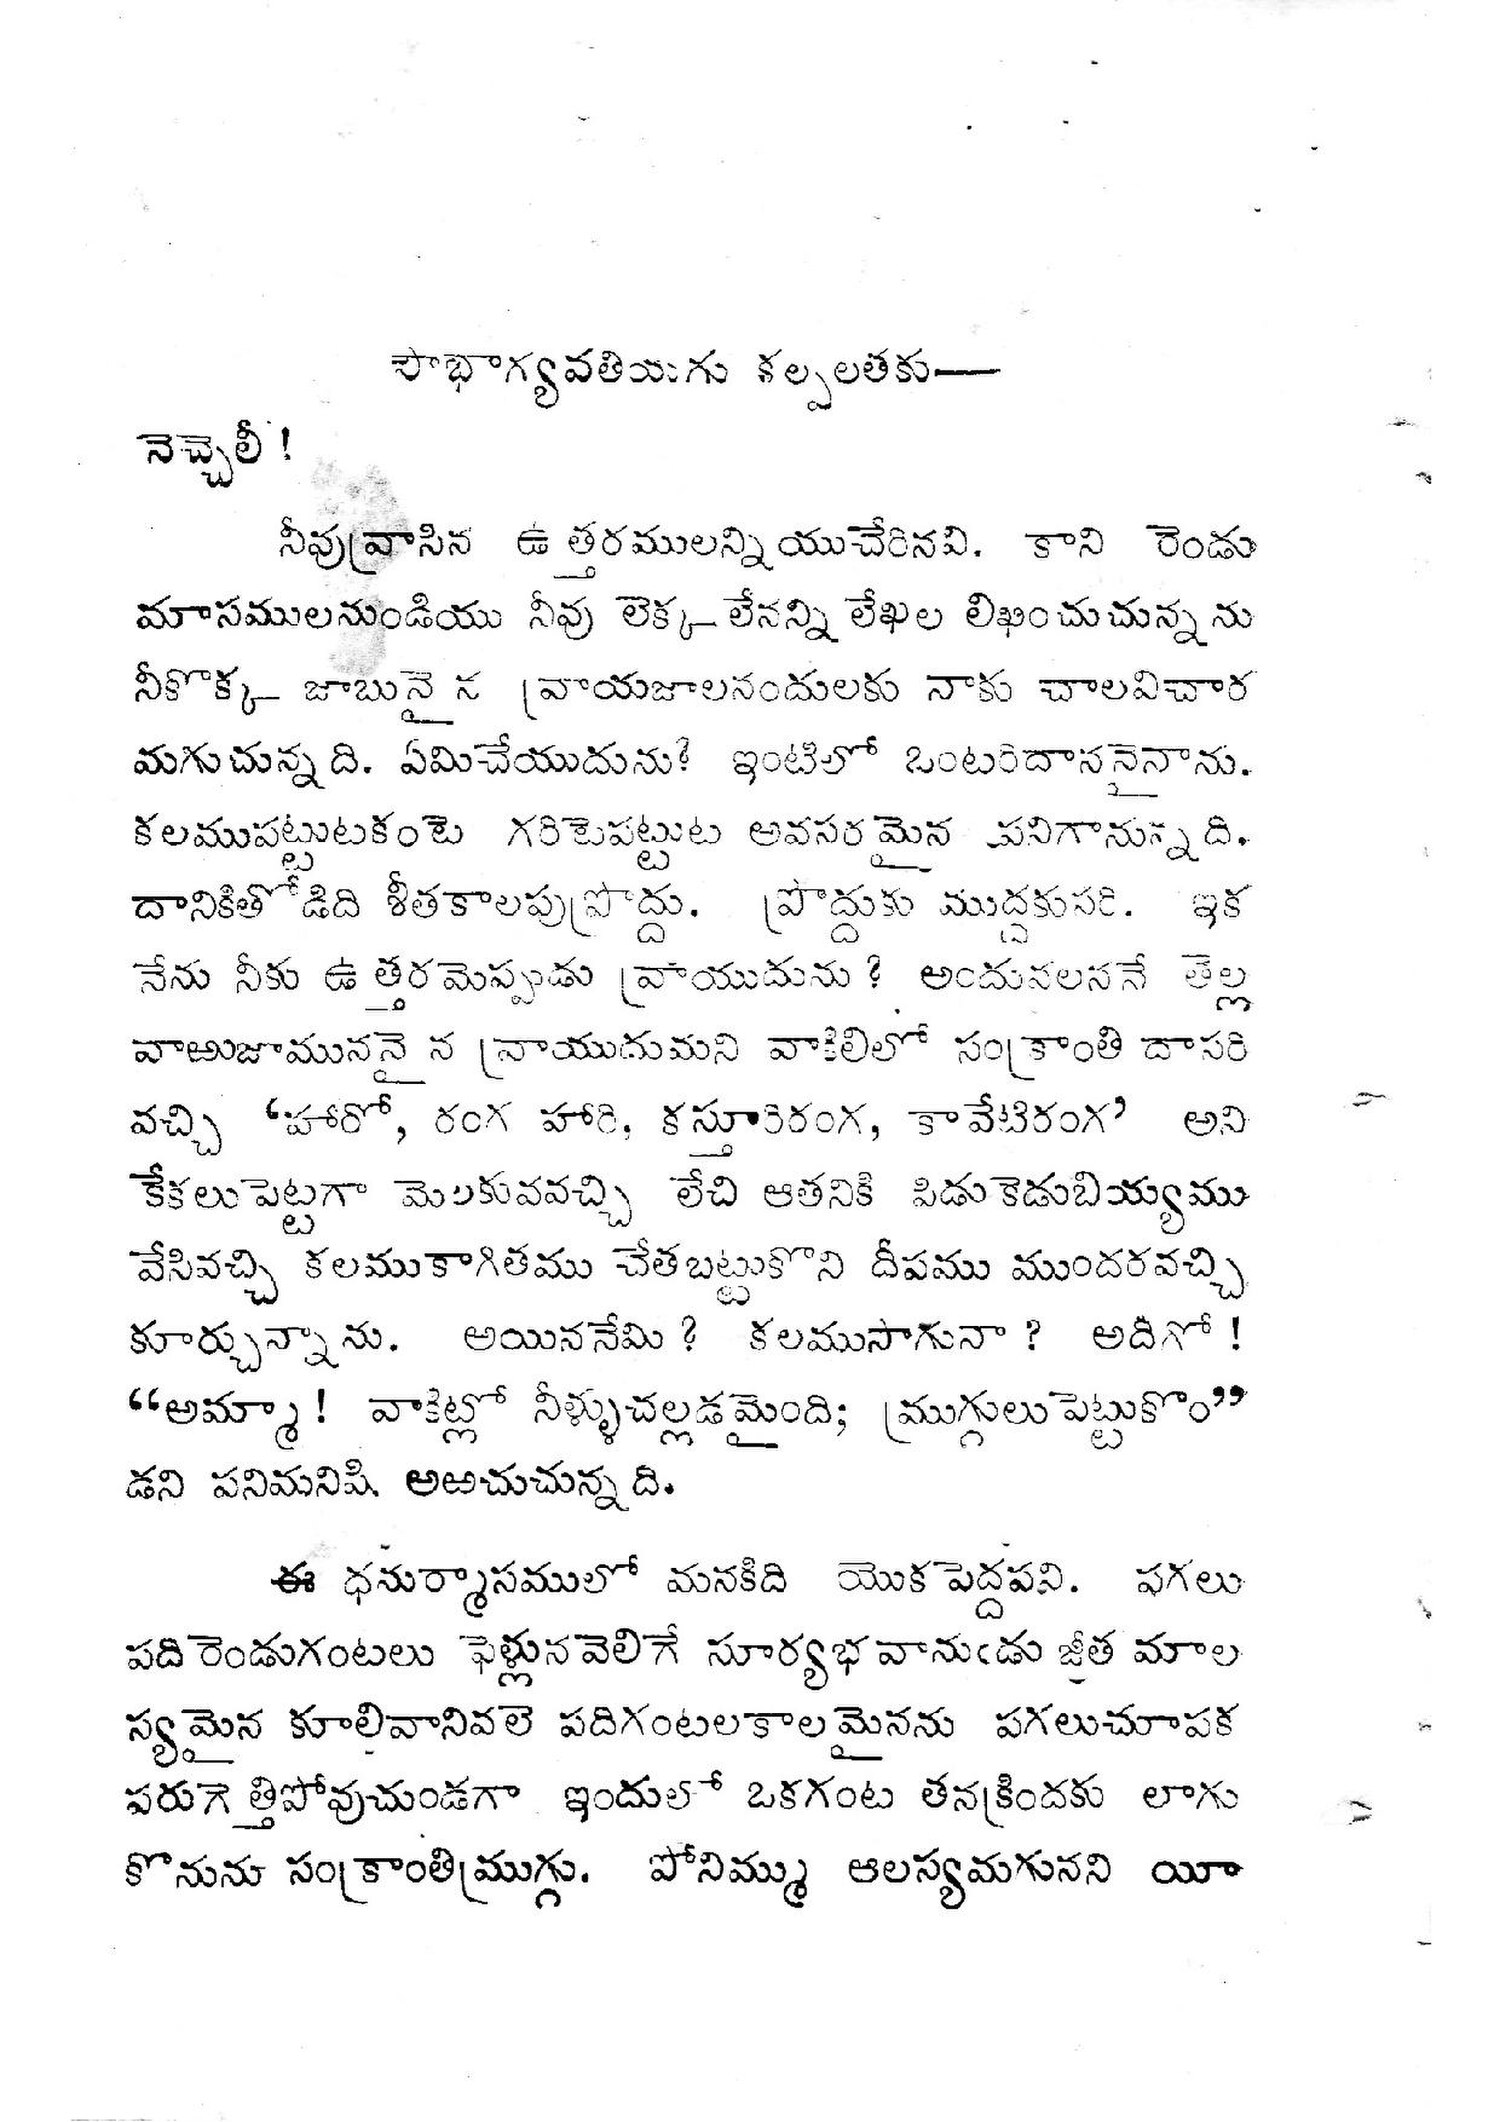నెచ్చెలీ !

నీవువ్రాసిన ఉత్తరములన్నియు చేరినవి. కాని రెండు మాసములనుండియు నీవు లెక్కలేనన్ని లేఖల లిఖించుచున్నను నీకొక్క జాబునైన వ్రాయజాలనందులకు నాకు చాలవిచారమగుచున్నది. ఏమిచేయుదును? ఇంటిలో ఒంటరిదాననైనాను. కలముపట్టుటకంటె గరిటెపట్టుట అవసరమైన పనిగానున్నది. దానికితోడిది శీతకాలపుప్రొద్దు. ప్రొద్దుకు ముద్దకుసరి. ఇక నేను నీకు ఉత్తరమెప్పుడు వ్రాయుదును? అందువలననే తెల్లవాఱుజాముననైన వ్రాయుదుమని వాకిలిలో సంక్రాంతి దాసరివచ్చి “హారో, రంగ హారి, కసూరిరంగ, కావేటిరంగ’ అని కేకలుపెట్టగా మెలకువవచ్చి లేచి అతనికి పిడుకెడుబియ్యము వేసివచ్చి కలముకాగితము చేతబట్టుకొని దీపము ముందరవచ్చి కూర్చున్నాను. అయిననేమి ? కలముసాగునా? అదిగో ! “అమ్మా! వాకిట్లో నీళ్ళుచల్లడమైంది; మ్రుగ్గులు పెట్టుకొం”డని పనిమనిషి, అఱచుచున్నది.

ఈ ధనుర్మాసములో మనకిది యొకపెద్దపని. పగలు పదిరెండుగంటలు ఫెళ్లునవెలిగే సూర్యభగవానుఁడు జీత మాలస్యమైన కూలివానివలె పదిగంటలకాలమైనను పగలుచూపక పరుగెత్తిపోవుచుండగా ఇందులో ఒకగంట తనక్రిందకు లాగుకొనును సంక్రాంతిముగ్గు. పోనిమ్ము ఆలస్యమగునని యీ